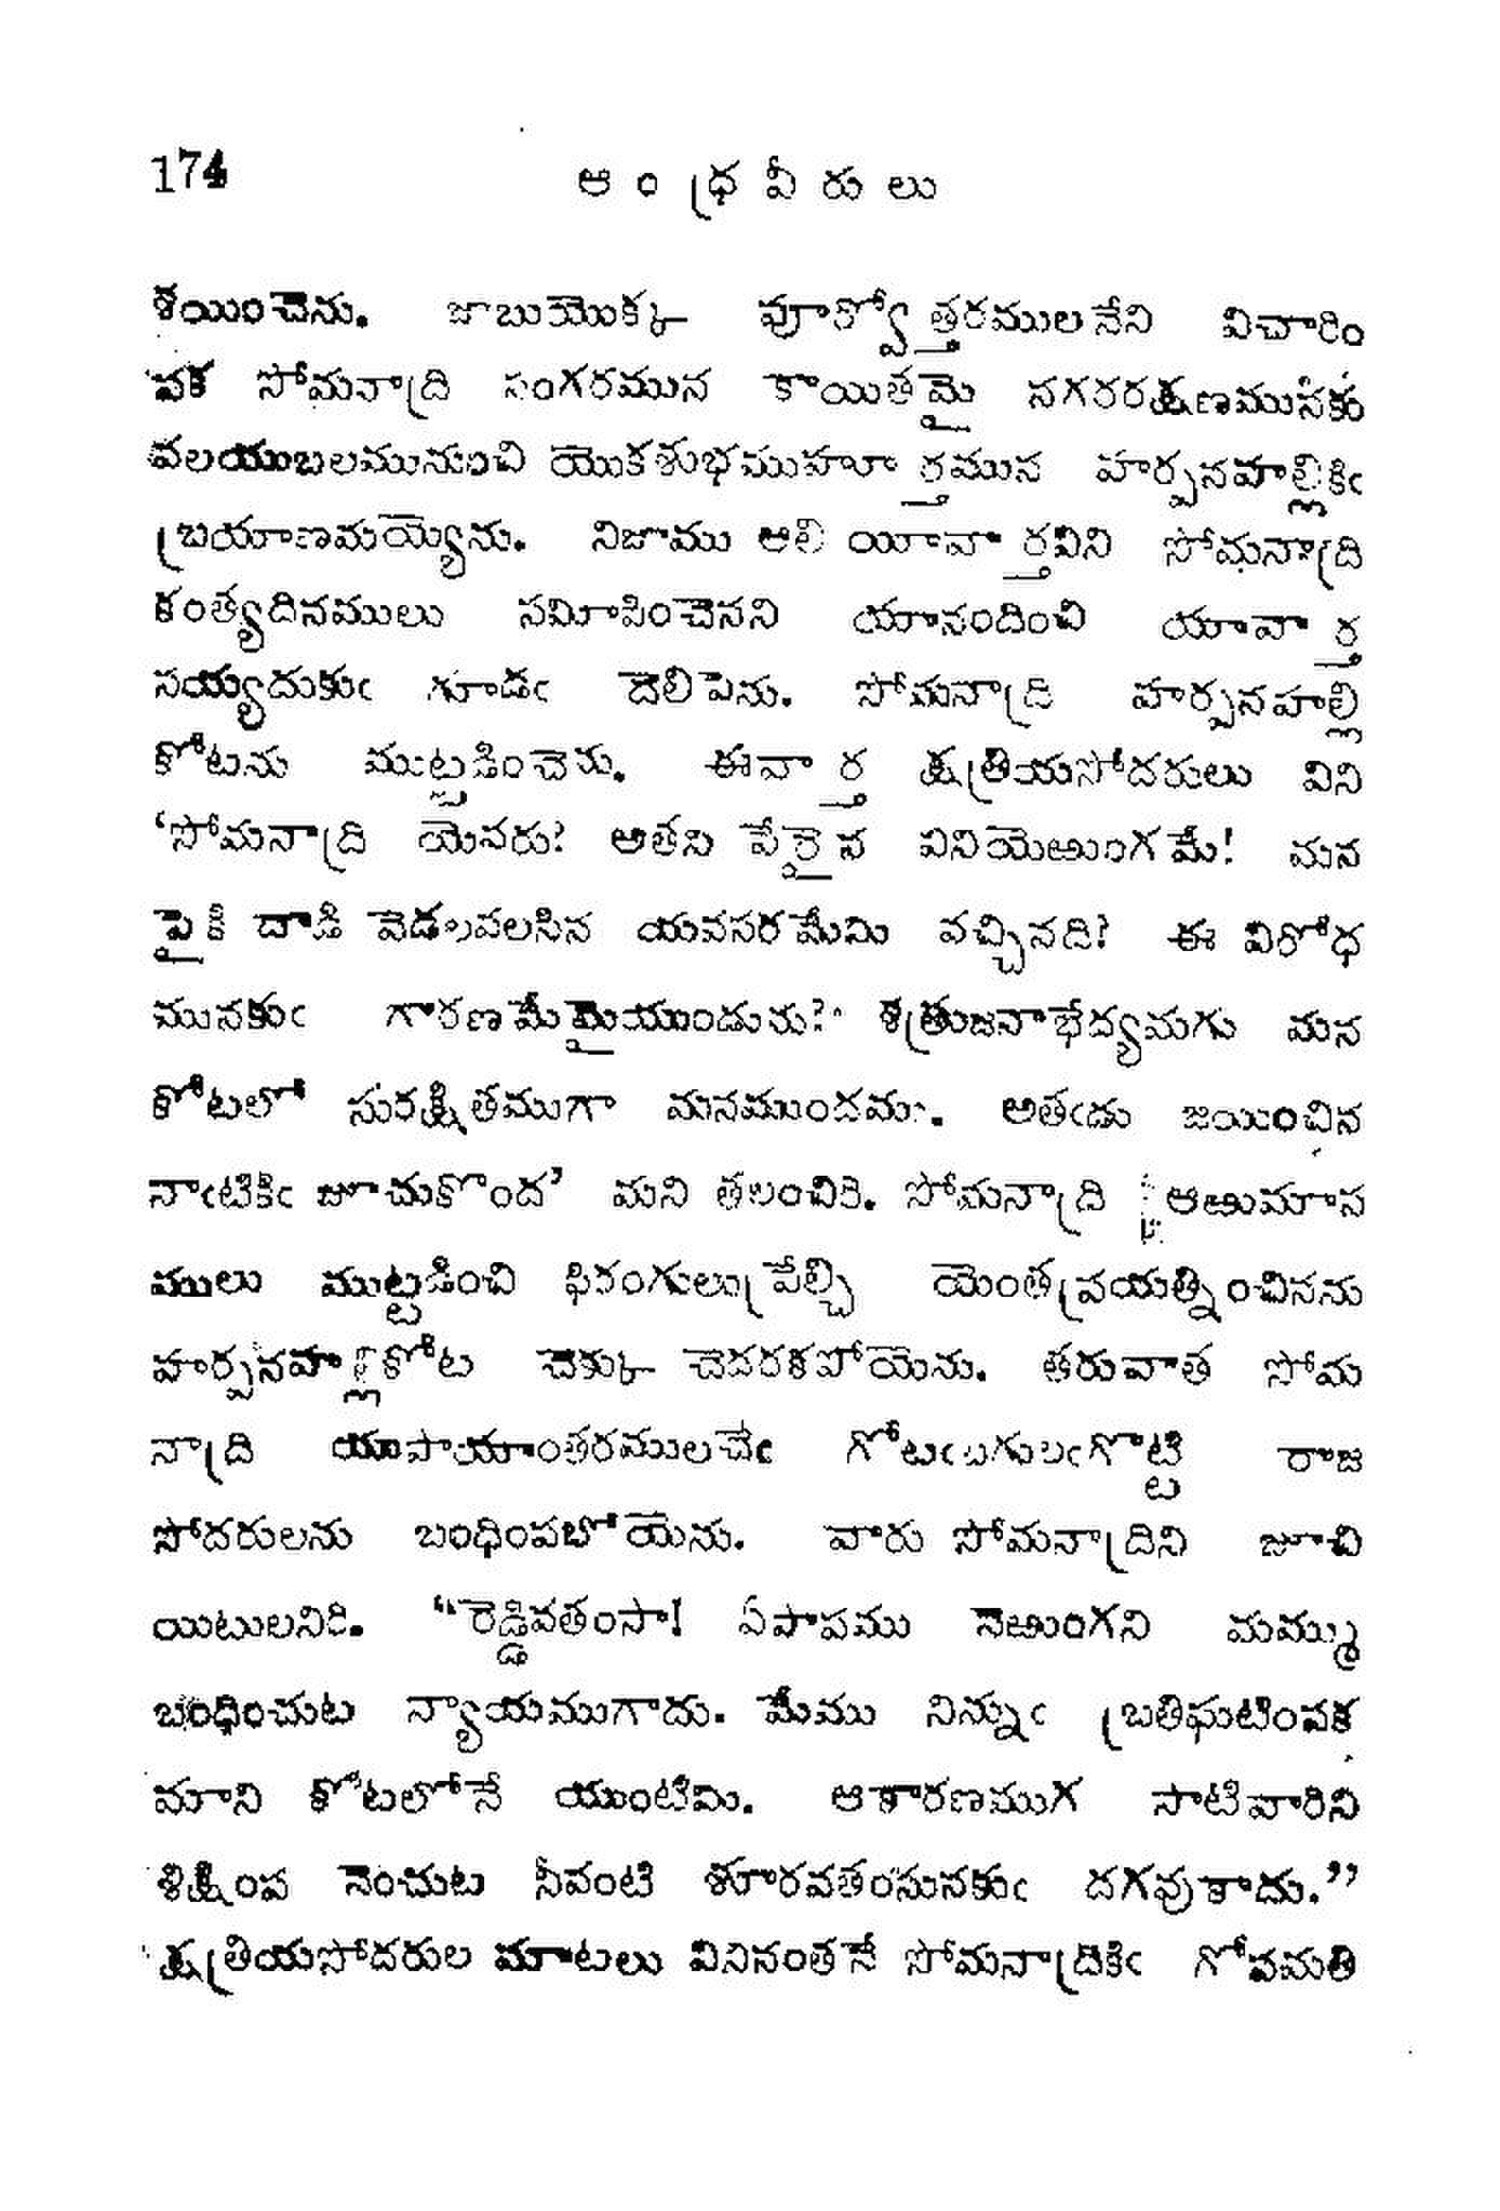శయించెను. జాబుయొక్క పూర్వోత్తరములనేని విచారింపక సోమనాద్రి సంగరమున కాయితమై నగరరక్షణమునకు వలయుబలమునుంచి యొకశుభముహూర్తమున హర్పనహల్లికి బ్రయాణమయ్యెను. నిజాము ఆలి యీవార్తవిని సోమనాద్రి కంత్యదినములు సమీపించెనని యానందించి యావార్త సయ్యదుకు గూడ దెలిపెను. సోమనాద్రి హర్పనహల్లి కోటను ముట్టడించెను. ఈవార్త క్షత్రియసోదరులు విని 'సోమనాద్రి యెవరు? అతని పేరైన వినియెఱుంగమే! మనపైకి దాడి వెడలవలసిన యవసరమేమి వచ్చినది? ఈ విరోధమునకు గారణమేమైయుండును?' శత్రుజనాభేధ్యమగు మనకోటలో సురక్షితముగా మనముందము. అతడు జయించిన నాటికి జూచుకొంద' మని తలంచిరి. సోమనాద్రి ఆఱుమాసములు ముట్టడించి ఫిరంగులుప్రేల్చి యెంతప్రయత్నించినను హర్పనహల్లికోట చెక్కు చెదరకపోయెను. తరువాత సోమనాద్రి యుపాయాంతరములచే గోటబగులగొట్టి రాజసోదరులను బంధింపబోయెను. వారు సోమనాద్రిని జూచి యిటులనిరి. "రెడ్డివతంసా! ఏపాపము నెఱుంగని మమ్ము బంధించుట న్యాయముగాదు. మేము నిన్ను బ్రతిఘటింపక మాని కోటలోనే యుంటిమి. ఆ కారణముగ సాటివారిని శిక్షింప నెంచుట నీవంటి శూరవతంసునకు దగవుకాదు." క్షత్రియసోదరుల మాటలు వినినంతనే సోమనాద్రికి గోపమతి